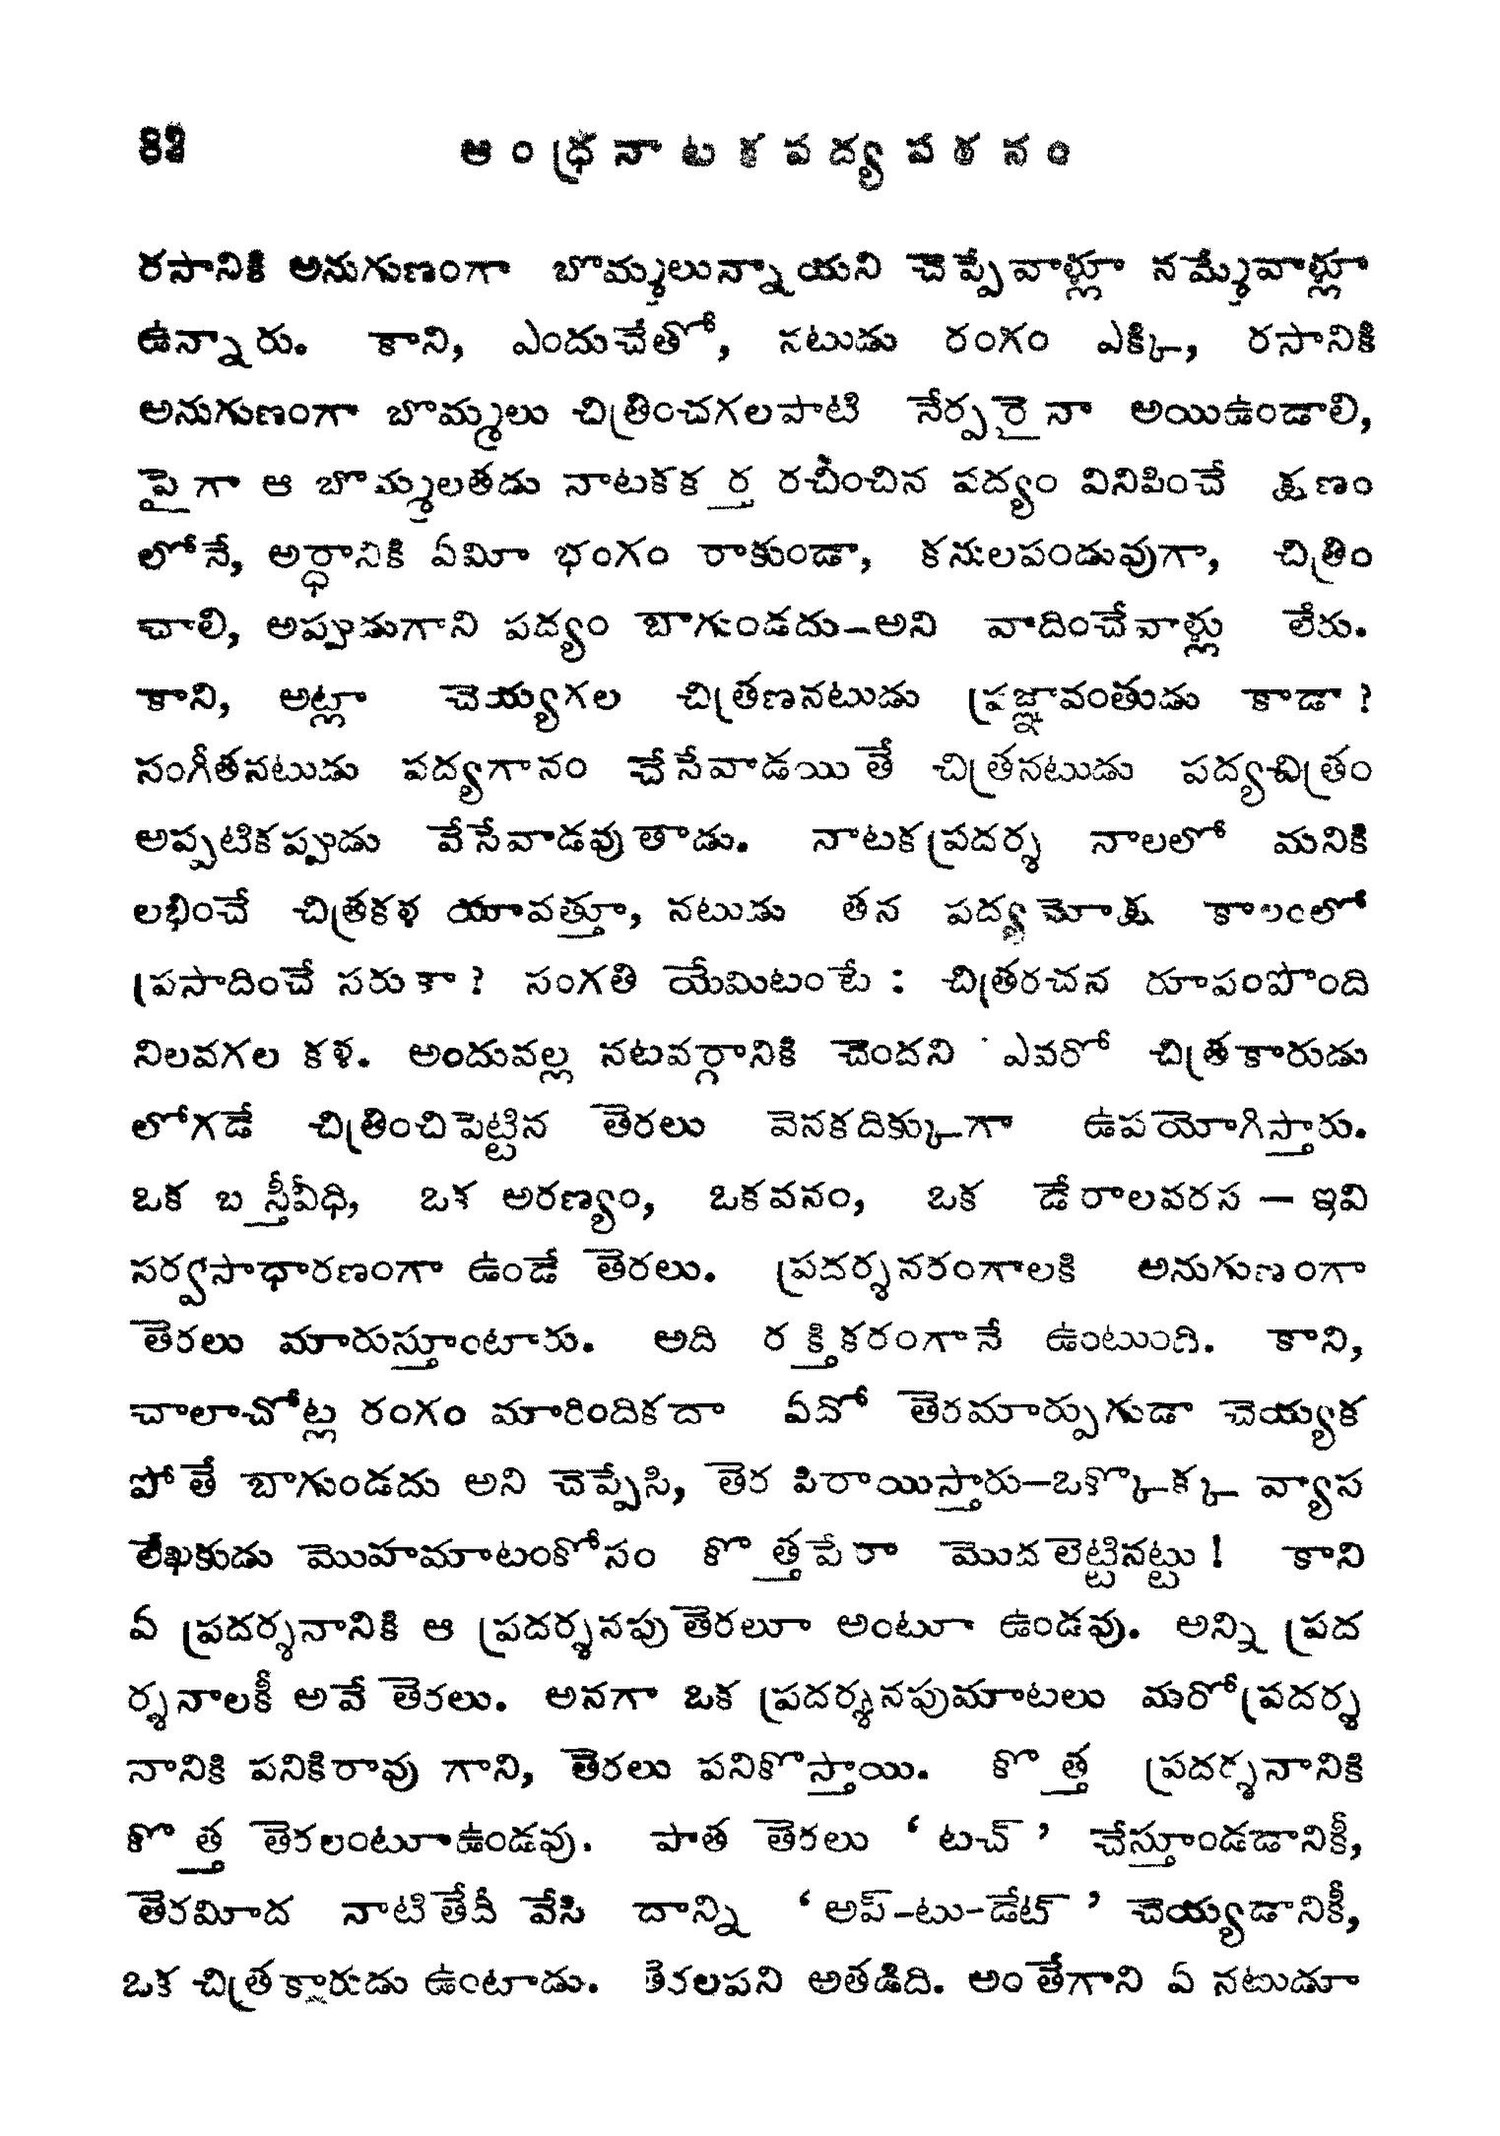రసానికి అనుగుణంగా బొమ్మలున్నాయని చెప్పేవాళ్లూ నమ్మేవాళ్లూ
ఉన్నారు. కాని, ఎందుచేతో, నటుడు రంగం ఎక్కి, రసానికి
అనుగుణంగా బొమ్మలు చిత్రించగలపాటి నేర్పరైనా అయిఉండాలి,
పైగా ఆ బొమ్మలతడు నాటకకర్త రచించిన పద్యం వినిపించే క్షణం
లోనే, అర్ధానికి ఏమీ భంగం రాకుండా, కనులపండువుగా, చిత్రిం
చాలి, అప్పుడుగాని పద్యం బాగుండదు - అని వాదించేవాళ్లు లేరు.
కాని, అట్లా చెయ్యగల చిత్రణనటుడు ప్రజ్ఞావంతుడు కాడా ?
సంగీతనటుడు పద్యగానం చేసేవాడయితే చిత్రనటుడు పద్యచిత్రం
అప్పటికప్పుడు వేసేవాడవుతాడు. నాటకప్రదర్శ నాలలో మనికి
లభించే చిత్రకళ యావత్తూ, నటుడు తన పద్యమోక్ష కాలంలో
ప్రసాదించే సరుకా ? సంగతి యేమిటంటే : చిత్రరచన రూపంపొంది
నిలవగల కళ. అందువల్ల నటవర్గానికి చెందని ఎవరో చిత్రకారుడు
లోగడే చిత్రించిపెట్టిన తెరలు వెనకదిక్కుగా ఉపయోగిస్తారు.
ఒక బస్తీవీధి, ఒక అరణ్యం, ఒకవనం, ఒక డేరాలవరస - ఇవి
సర్వసాధారణంగా ఉండే తెరలు. ప్రదర్శనరంగాలకి అనుగుణంగా
తెరలు మారుస్తూంటారు. అది రక్తికరంగానే ఉంటుంది. కాని,
చాలాచోట్ల రంగం మారిందికదా ఏదో తెరమార్పుగుడా చెయ్యక
పోతే బాగుండదు అని చెప్పేసి, తెర పిరాయిస్తారు - ఒక్కొక్క వ్యాస
లేఖకుడు మొహమాటంకోసం కొత్తపేరా మొదలెట్టినట్టు ! కాని
ఏ ప్రదర్శనానికి ఆ ప్రదర్శనపు తెరలూ అంటూ ఉండవు. అన్ని ప్రద
ర్శనాలకీ అవే తెరలు. అనగా ఒక ప్రదర్శనపుమాటలు మరోప్రదర్శ
నానికి పనికిరావు గాని, తెరలు పనికొస్తాయి. కొత్త ప్రదర్శనానికి
కొత్త తెరలంటూఉండవు. పాత తెరలు 'టచ్' చేస్తూండడానికీ,
తెరమీద నాటితేదీ వేసి దాన్ని 'అప్-టు-డేట్ ' చెయ్యడానికీ,
ఒక చిత్రకారుడు ఉంటాడు. తెరలపని అతడిది. అంతేగాని ఏ నటుడూ